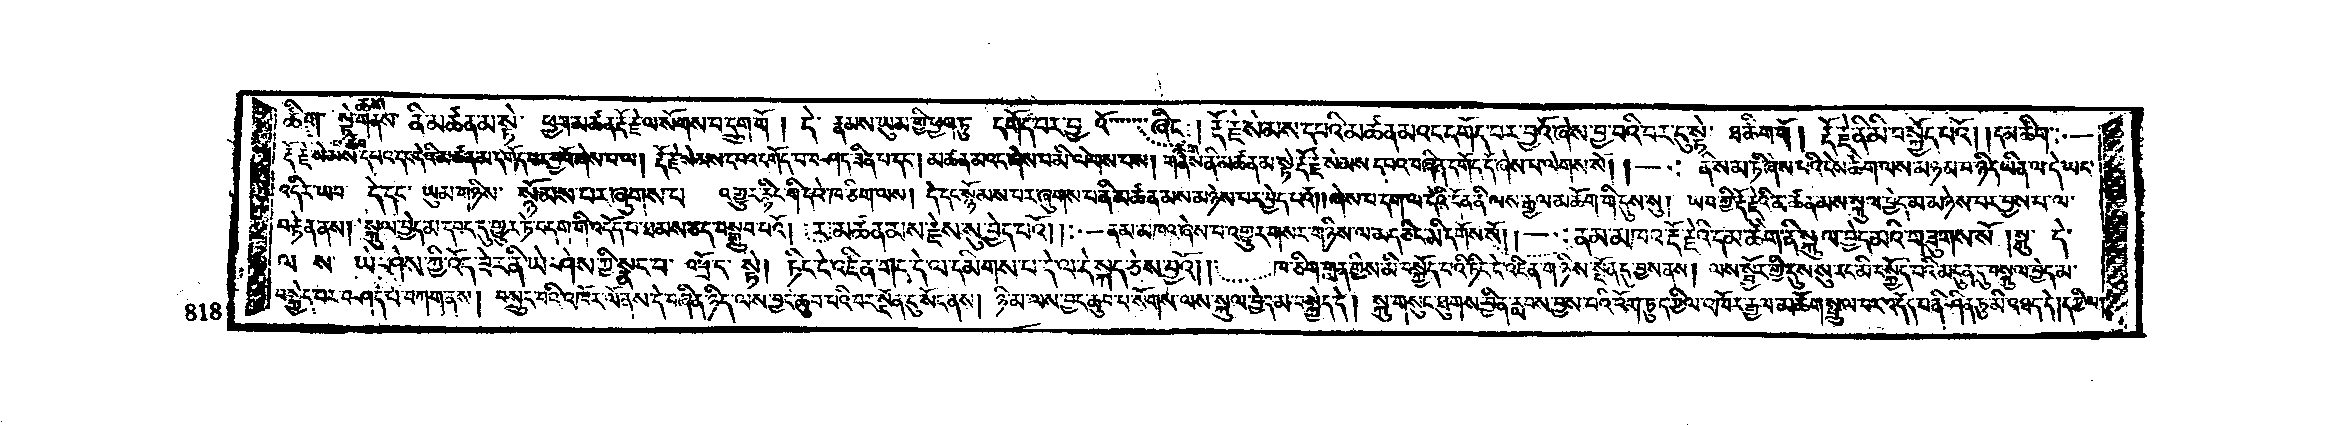ཚིག་སྟེ་ཆག་གནས་ནི་མཚན་མ་སྟེ་ཕྱག་མཚན་རྡོ་རྗེ་ལ་སོགས་པ་དྲུག་གོ །དེ་རྣམས་ཡུམ་གྱི་ཕྱག་ཏུ་དགོད་པར་བྱའོ་ཞིང་། རྡོ་རྗེ་སེམས་དཔའི་མཚན་མའང་དགོད་པར་བྱའོ་ཞེས་བྱ་བའི་བར་དུ་སྟེ་ཐ་ཚིག་གོ །རྡོ་རྗེ་ནི་མི་བསྐྱེད་པའོ། །དམ་ཚིགཿ
རྡོ་རྗེ་སེམས་པ་ཙབ་དཔའ་དང་དེའི་མཚན་མ་དགོད་པར་བྱའོ་ཞེས་པ་ལ། རྡོ་རྗེ་སེམས་དཔའ་དགོད་པ་བཤད་ཟིན་པ་དང་། མཚན་མའང་ཞེས་པ་མི་ལེགས་པས། གནས་ནི་མཚན་མ་སྟེ་རྡོ་རྗེ་སེམས་དཔའ་བཞིན་དགོད་དོ་ཞེས་པ་ལེགས་སོ། །.Hནི་ས་མ་ཏི་ཞེས་པའི་ངེས་ཚིག་ལས་མཉམ་པ་ཉིད་ཡིན་ལ་དེ་ཡང་
འདིར་ཡབ་དེ་དང་ཡུམ་གཉིས་སྙོམས་པར་ཞུགས་པ་འགྱུར་རྙིང་གི་དཔེ་ཁ་ཅིག་ལས། དེ་དང་སྙོམས་པར་ཞུགས་པ་ནི་མཚན་མས་མཉེས་པར་བྱེད་པའོ། །ཞེས་པ་དག་ལ་དེའི་དོན་ནི་ལས་རྒྱལ་མཆོག་གི་དུས་སུ། ཡབ་ཀྱི་རྡོ་རྗེའི་མཚན་མས་སྐུལ་བྱེད་མ་མཉེས་པར་བྱས་པ་ལ་
བརྟེན་ནས། སྐུལ་བྱེད་མ་དབང་དུ་གྱུར་ཏེ་བདག་གི་འདོད་པ་ཐམས་ཅད་བསྒྲུབ་པའོ། ར་མཚན་མས་རྗེས་སུ་བྱེད་པའོ།།H.་ནམ་མཁའ་ཞེས་པ་འགྱུར་གསར་གཉིས་ལ་མེད་ཅིང་མི་དགོས་སོ།།.H ནམ་མཁའ་རྡོ་རྗེའི་དམ་ཚིག་ནི་སྐུལ་བྱེད་མའི་གཟུགས་སོ། སྐུ་དེ་
ལས་ཡེ་ཤེས་ཀྱི་འོད་ཟེར་ནི་ཡེ་ཤེས་ཀྱི་སྣང་བ་འཕྲོ་བ་སྟེ། ཏིང་ངེ་འཛིན་གང་དེ་ལ་དམིགས་པ་དེ་ལ་དེ་སྐད་ཅེས་བྱའོ།། ཁ་ཅིག་གླན་གྱིས་མི་བསྐྱོད་པའི་ཏིང་ངེ་འཛིན་གཉིས་སྔོན་དུ་བྱས་ནས། ལས་སྦྱོར་གྱི་དུས་སུ་རང་མི་བསྐྱོད་པའི་མདུན་དུ་བསྐུལ་བྱེད་མ་
བསྐྱེད་པར་བཤད་པ་བཀག་ནས། བསྲུང་བའི་འཁོར་ལོ་ནས་དེ་བཞིན་ཉིད་ལས་བྱང་ཆུབ་པའི་བར་སྔོན་དུ་སོང་ནས། ཉི་མ་ལས་བྱང་ཆུབ་པ་སོགས་ལས་སྐུལ་བྱེད་མ་བསྐྱེད་དེ། སྐུ་གསུང་ཐུགས་བྱིན་རླབས་བྱས་པའི་འོག་ཏུ་དཀྱིལ་འཁོར་རྒྱལ་མཆོག་སྤྲུལ་བར་འདོད་པ་ནི་ཤིན་ཏུ་མི་འཐད་དེ། དཀྱིལ་